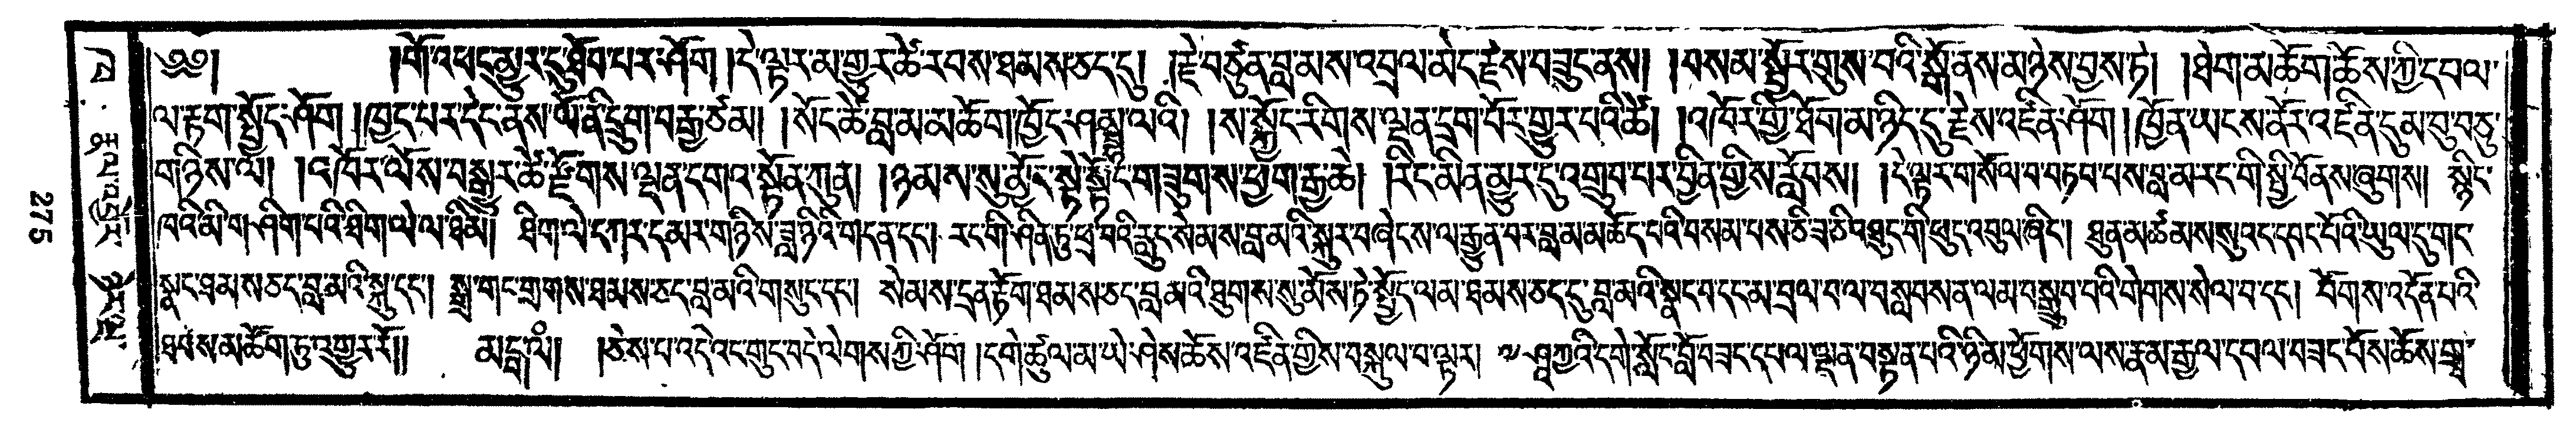༄༅། །གོ་འཕང་མྱུར་དུ་ཐོབ་པར་ཤོག །དེ་ལྟར་མ་གྱུར་ཚེ་རབས་ཐམས་ཅད་དུ། །རྗེ་བཙུན་བླ་མས་འབྲལ་མེད་རྗེས་བཟུང་ནས། །བསམ་སྦྱོར་གུས་བའི་སོག་ནས་མཉེས་བྱས་ཏེ། །ཐེག་མཆོག་ཆོས་ཀྱི་དཔལ་
ལ་རྟག་སྤྱོད་ཤོག །ཁྱད་པར་དེང་ནས་ཡོ་ནི་དྲུག་བརྒྱ་ཙམ། །སོང་ཚེ་བླ་མ་མ་ཆོག་ཁྱོད་ཤམྦྷ་ལའི། །ས་སྐྱོང་རིགས་ལྡན་དྲག་པོར་གྱུར་པའི་ཚེ། །འཁོར་གྱི་ཐོག་མ་ཉིད་དུ་རྗེས་འཛིན་ཤོག །ཁྱོན་ཡངས་ནོར་འཛིན་དུམ་བུ་བཅུ་
གཉིས་ལ། །འཁོར་ལོས་བསྒྱུར་ཚེ་རྫོགས་ལྡན་དགའ་སྟོན་ཀུན། །ཉམས་སུ་མྱོང་སྟེ་སྟོང་གཟུགས་ཕྱག་རྒྱ་ཆེ། །རིང་མིན་མྱུར་དུ་འགྲུབ་པར་བྱིན་གྱིས་རློབས། །དེ་ལྟར་གསོལ་བ་བཏབ་པས་བླ་མ་རང་གི་སྤྱི་བོ་ནས་ཞུགས། སྙིང་
ཁའི་མི་གཤིག་པའི་ཐིག་ལེ་ལ་ཐིམ། །ཐིག་ལེ་དཀར་དམར་གཉིས་ཟླ་ཉིའི་གདན་དང་། རང་གི་ཤིན་ཏུ་ཕྲ་བའི་རླུང་སེམས་བླ་མའི་སྐུར་བཞེངས་ལ་རྒྱུན་བར་བླ་མ་མཆོད་པའི་བསམ་པས་ཅི་ཟ་ཅི་འཐུང་གི་ཕུད་འབུལ་ཞིང་། ཐུན་མཚམས་སུའང་དབང་པོའི་ཡུལ་དུ་གང་
སྣང་ཐམས་ཅད་བླ་མའི་སྐུ་དང་། སྒྲ་གང་གྲགས་ཐམས་ཅད་བླ་མའི་གསུང་དང་། སེམས་དྲན་རྟོག་ཐམས་ཅད་བླ་མའི་ཐུགས་སུ་མོས་ཏེ་སྤྱོད་ལམ་ཐམས་ཅད་དུ་བླ་མའི་སྣང་བ་དང་མ་བྲལ་བ་ལ་བསླབས་ན་ལམ་བསྒྲུབ་པའི་གེགས་སེལ་བ་དང་། བོགས་འདོན་པའི་
ཐབས་མཚོག་ཏུ་འགྱུར་རོ།། མངྒ་ལཾ། །ཅེས་པ་འདི་འང་གུང་བདེ་ལེགས་ཀྱི་ཤོག །དགེ་ཚུལ་མ་ཡེ་ཤེས་ཆོས་འཛིན་གྱིས་བསྐུལ་བ་ལྟར། ༧་ཤཱཀྱའི་དགེ་སློང་བློ་བཟང་དཔལ་ལྡན་བསྟན་པའི་ཉི་མ་ཕྱོགས་ལས་རྣམ་རྒྱལ་དཔལ་བཟང་པོས་ཆོས་གྲྭ་